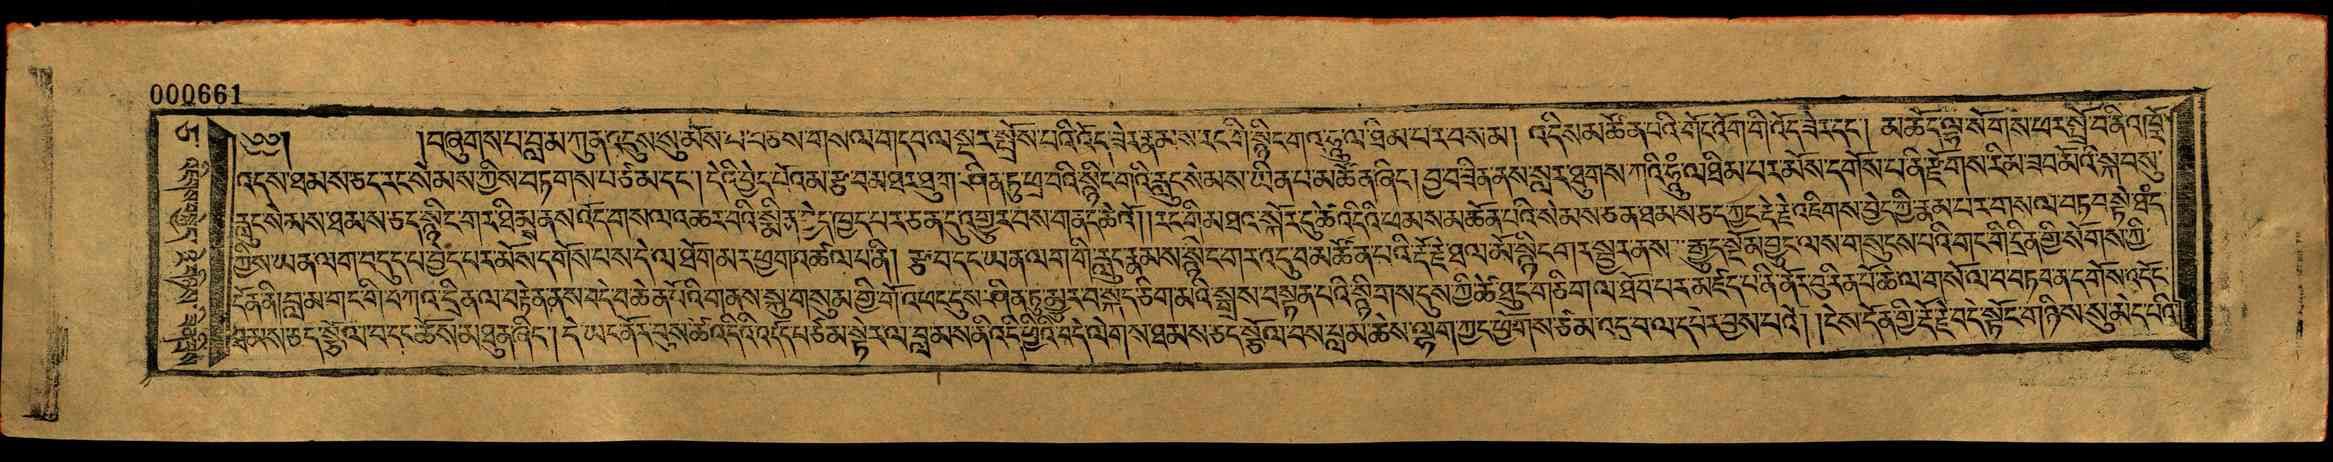༄༅། །བཞུགས་པ་བླ་མ་ཀུན་འདུས་སུ་མོས་པ་བཅས་གསལ་གདབ་ལ་སྔར་སྤྲོས་པའི་འོད་ཟེར་རྣམས་རང་གི་སྙིང་གའི་ཧཱུཾ་ལ་ཐིམ་པར་བསམ། འདིས་མཚོན་པའི་གོང་འོག་གི་འོད་ཟེར་དང་། མཆོད་ལྷ་སོགས་ཕར་སྤྲོ་བ་ནི་འཁོར་
འདས་ཐམས་ཅད་རང་སེམས་ཀྱིས་བཏགས་པ་ཙམ་དང་། དེའི་བྱེད་པོའམ་རྩ་བ་མཐར་ཐུག་ཤིན་ཏུ་ཕྲ་བའི་སྙིང་གའི་རླུང་སེམས་ཡིན་པ་མཚོན་ཞིང་། བྱ་བ་ཟིན་ནས་སླར་ཐུགས་ཀའི་ཧཱུཾ་ལ་ཐིམ་པར་མོས་དགོས་པ་ནི་རྫོགས་རིམ་ཟབ་མོའི་སྐབས་སུ་
རླུང་སེམས་ཐམས་ཅད་སྙིང་གར་ཐིམས་ནས་འོད་གསལ་འཆར་བའི་སྨིན་བྱེད་ཁྱད་པར་ཅན་དུ་འགྱུར་བས་གནད་ཆེའོ། །རང་གི་མཐའ་སྐོར་དུ་ཚེ་འདིའི་ཕ་མས་མཚོན་པའི་སེམས་ཅན་ཐམས་ཅད་ཀྱང་རྡོ་རྗེ་འཇིགས་བྱེད་ཀྱི་རྣམ་པར་གསལ་བཏབ་སྟེ་ཐམས་ཅད་
ཀྱིས་ཡན་ལག་བདུན་པ་བྱེད་པར་མོས་དགོས་པས་དེ་ལ་ཐོག་མར་ཕྱག་འཚལ་བ་ནི། རྩ་བ་དང་ཡན་ལག་གི་རླུང་རྣམས་སྙིང་གར་འདུ་བ་མཚན་པའི་རྡོ་རྗེ་ཐལ་མོ་སྙིང་གར་སྦྱར་ནས་རྒྱུད་སྡོམ་བྱུང་ལས་གསུངས་པའི་གང་གི་དྲིན་གྱི་སོགས་ཀྱི་
དོན་ནི། བླ་མ་གང་གི་བཀའ་དྲིན་ལ་བརྟེན་ནས་བདེ་བ་ཆེན་པོའི་གནས་སྐུ་གསུམ་གྱི་གོ་འཕང་དུས་ཤིན་ཏུ་མྱུར་བ་སྐད་ཅིག་མའི་སྒྲས་བསྟན་པའི་སྙིགས་དུས་ཀྱི་ཚེ་ཐུང་གཅིག་ལ་ཐོབ་པར་མཛད་པ་ནི་ནོར་བུ་རིན་པོ་ཆེ་ལ་གསོལ་བ་བཏབ་ན་དགོས་འདོད་
ཐམས་ཅད་སྩོལ་བ་དང་ཆོས་མཐུན་ཞིང་། དེ་ཡང་ནོར་བུས་ཚེ་འདིའི་འདོད་པ་ཙམ་སྟེར་ལ་བླ་མས་ནི་འདི་ཕྱིའི་བདེ་ལེགས་ཐམས་ཅད་སྩོལ་བས་བླ་མ་ཆེས་ལྷག་ཀྱང་ཕྱོགས་ཙམ་འདྲ་བ་ལ་དཔེར་བྱས་པའོ། །ངེས་དོན་གྱི་རྡོ་རྗེ་བདེ་སྟོང་གཉིས་སུ་མེད་པའི་